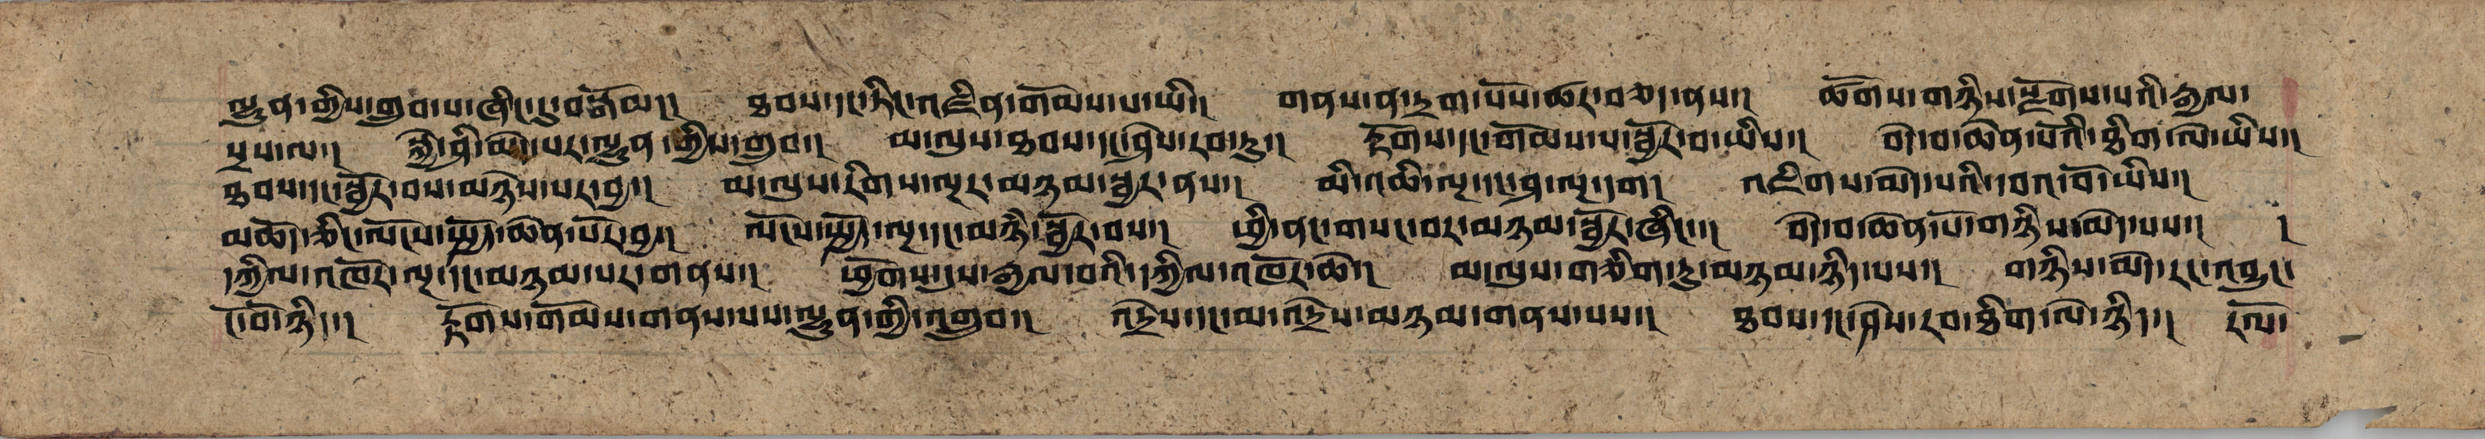ལྷུན་གྱིས་གྲུབ་པ་ཞིང་དུ་བསྒོམ་། ཐབས་དང་ཏིང་འཛིན་གོམས་པ་ཡི་། གནས་ན་དྲག་པོས་ཚར་བཅད་ནས་། ཚོགས་གཉིས་སྫོགས་པའི་རྒྱལ་
སྲས་ལ་། སྐྱེ་ཤི་མེད་པར་ལྷུན་གྱིས་གྲུབ་། མ་ལུས་ཐབས་དང་ཤེས་རབ་ཏུ་། རྟོགས་དང་གོམས་པ་སྦྱོར་བ་ཡིས་། བདེ་བ་ཆེན་པོའི་ཐིག་ལེ་ཡིས་།
ཐབས་དང་སྦྱོར་བས་མཉེས་པར་བྱ་། མ་ལུས་རིགས་ལྔར་མཉམ་སྦྱར་ནས་། མི་འཆི་ལྔ་དང་ཤ་ལྔ་དུག། འཇིགས་མེད་པའི་དཔའ་བོ་ཡིས་།
མཆོད་ཅིང་ལོངས་སྤྱོད་ཆེན་པོར་བྱ་། ལོངས་སྤྱོད་ལྔ་དང་མཉཾ་སྦྱོར་བས་། ཕྱི་ནང་གསང་བར་མཉམ་སྦྱོར་ཞིང་་། བདེ་བ་ཆེན་པོ་གཉིས་མེད་པས་།
དཀྱིལ་འཁོར་ལྔ་དང་མཉམ་པར་གནས་། ཕྱོགས་དུས་རྒྱལ་བའི་དཀྱིལ་འཁོར་ཆེ་། མ་ལུས་གཅིག་ཏུ་མཉམ་ཉིད་པས་། གཉིས་མེད་རང་འབྱུང་
ངོ་བོ་ཉིད་། རྟོགས་གོམས་གནས་པས་ལྷུན་གྱི་འགྲུབ་། འདྲེས་དང་མ་འདྲེས་མཉམ་གནས་པས་། ཐབས་དང་ཤེས་རབ་ཐིག་ལེ་ཉིད་། རོལ་